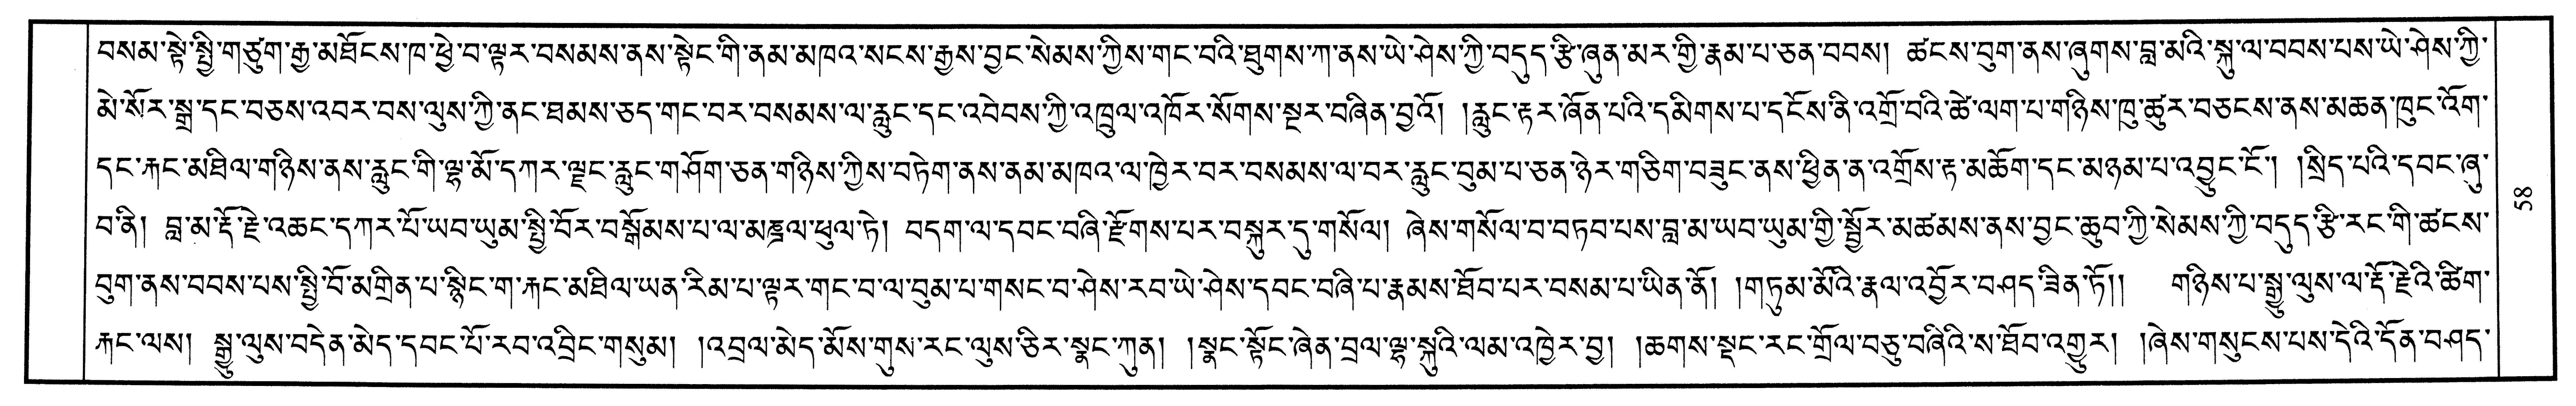བསམ་སྟེ་སྤྱི་གཙུག་རྒྱ་མཐོངས་ཁ་ཕྱེ་བ་ལྟར་བསམས་ནས་སྟེང་གི་ནམ་མཁའ་སངས་རྒྱས་བྱང་སེམས་ཀྱིས་གང་བའི་ཐུགས་ཀ་ནས་ཡེ་ཤེས་ཀྱི་བདུད་རྩི་ཞུན་མར་གྱི་རྣམ་པ་ཅན་བབས། ཚངས་བུག་ནས་ཞུགས་བླ་མའི་སྐུ་ལ་བབས་པས་ཡེ་ཤེས་ཀྱི་
མེ་སོར་སྒྲ་དང་བཅས་འབར་བས་ལུས་ཀྱི་ནང་ཐམས་ཅད་གང་བར་བསམས་ལ་རླུང་དང་འབེབས་ཀྱི་འཁྲུལ་འཁོར་སོགས་སྔར་བཞིན་བྱའོ། །རླུང་རྟར་ཞོན་པའི་དམིགས་པ་དངོས་ནི་འགྲོ་བའི་ཚེ་ལག་པ་གཉིས་ཁུ་ཚུར་བཅངས་ནས་མཆན་ཁུང་འོག་
དང་རྐང་མཐིལ་གཉིས་ནས་རླུང་གི་ལྷ་མོ་དཀར་ལྗང་རླུང་གཤོག་ཅན་གཉིས་ཀྱིས་བཏེག་ནས་ནམ་མཁའ་ལ་ཁྱེར་བར་བསམས་ལ་བར་རླུང་བུམ་པ་ཅན་ཉེར་གཅིག་བཟུང་ནས་ཕྱིན་ན་འགྲོས་རྟ་མཆོག་དང་མཉམ་པ་འབྱུང་ངོ། །སྲིད་པའི་དབང་ཞུ་
བ་ནི། བླ་མ་རྡོ་རྗེ་འཆང་དཀར་པོ་ཡབ་ཡུམ་སྤྱི་བོར་བསྒོམས་པ་ལ་མཎྜལ་ཕུལ་ཏེ། བདག་ལ་དབང་བཞི་རྫོགས་པར་བསྐུར་དུ་གསོལ། ཞེས་གསོལ་བ་བཏབ་པས་བླ་མ་ཡབ་ཡུམ་གྱི་སྦྱོར་མཚམས་ནས་བྱང་ཆུབ་ཀྱི་སེམས་ཀྱི་བདུད་རྩི་རང་གི་ཚངས་
བུག་ནས་བབས་པས་སྤྱི་བོ་མགྲིན་པ་སྙིང་ག་རྐང་མཐིལ་ཡན་རིམ་པ་ལྟར་གང་བ་ལ་བུམ་པ་གསང་བ་ཤེས་རབ་ཡེ་ཤེས་དབང་བཞི་པ་རྣམས་ཐོབ་པར་བསམ་པ་ཡིན་ནོ། །གཏུམ་མོའི་རྣལ་འབྱོར་བཤད་ཟིན་ཏོ།། གཉིས་པ་སྒྱུ་ལུས་ལ་རྡོ་རྗེའི་ཚིག་
རྐང་ལས། སྒྱུ་ལུས་བདེན་མེད་དབང་པོ་རབ་འབྲིང་གསུམ། །འབྲལ་མེད་མོས་གུས་རང་ལུས་ཅིར་སྣང་ཀུན། །སྣང་སྟོང་ཞེན་བྲལ་ལྷ་སྐུའི་ལམ་འཁྱེར་བྱ། །ཆགས་སྡང་རང་གྲོལ་བཅུ་བཞིའི་ས་ཐོབ་འགྱུར། །ཞེས་གསུངས་པས་དེའི་དོན་བཤད་